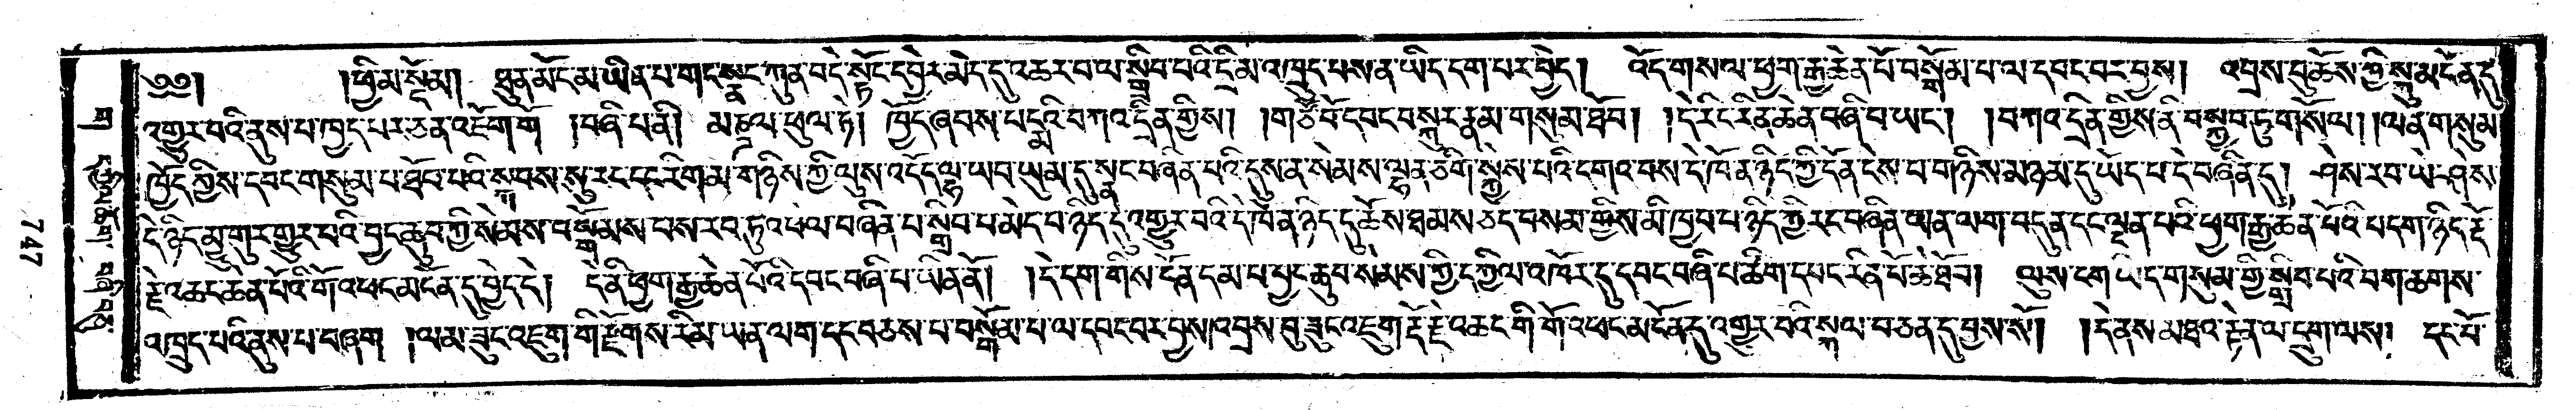༄༅། །ཕྱི་མ་སྡོམ། ཐུན་མོང་མ་ཡིན་པ་གང་སྣང་ཀུན་བདེ་སྟོང་དབྱེར་མེད་དུ་འཆར་བ་ལ་སྒྲིབ་པའི་དྲི་མ་འཁྲུད་པས་ན་ཡིད་དག་པར་བྱེད། འོད་གསལ་ཕྱག་རྒྱ་ཆེན་པོ་བསྒོམ་པ་ལ་དབང་བར་བྱས། འབྲས་བུ་ཆོས་ཀྱི་སྐུ་མངོན་དུ་
འགྱུར་བའི་ནུས་པ་ཁྱད་པར་ཅན་འཇོག་གོ །བཞི་པ་ནི། མཎྜལ་ཕུལ་ཏེ། ཁྱོད་ཞབས་པདམའི་བཀའ་དྲིན་གྱིས། །གཙོ་བོ་དབང་བསྐུར་རྣམ་གསུམ་ཐོབ། །དེ་རིང་རིན་ཆེན་བཞི་པ་ཡང་། །བཀའ་དྲིན་གྱིས་ནི་བསྐྱབ་ཏུ་གསོལ། །ལན་གསུམ་
ཁྱོད་ཀྱིས་དབང་གསུམ་པ་ཐོབ་པའི་སྐབས་སུ་རང་དང་རིག་མ་གཉིས་ཀྱི་ལུས་འདོད་ལྷ་ཡབ་ཡུམ་དུ་སྣང་བཞིན་པའི་དུས་ན་སེམས་ལྷན་ཅིག་སྐྱེས་པའི་དགའ་བས་དེ་ཁོ་ན་ཉིད་ཀྱི་དོན་ངེས་པ་གཉིས་མཉམ་དུ་ཡོད་པ་དེ་བཞིན་དུ། ཤེས་རབ་ཡེ་ཤེས་
དེ་ཉིད་མྱུ་གུར་གྱུར་བའི་བྱང་ཆུབ་ཀྱི་སེམས་བསྒོམས་པས་རབ་ཏུ་འཕེལ་བཞིན་པ་སྒྲིབ་པ་མེད་པ་ཉིད་དུ་འགྱུར་བའི་དེ་ཁོ་ན་ཉིད་དུ་ཆོས་ཐམས་ཅད་བསམ་གྱིས་མི་ཁྱབ་པ་ཉིད་ཀྱི་རང་བཞིན་ཡན་ལག་བདུན་དང་ལྡན་པའི་ཕྱག་རྒྱ་ཆེན་པོའི་བདག་ཉིད་རྡོ་
རྗེ་འཆང་ཆེན་པོའི་གོ་འཕང་མངོན་དུ་བྱེད་དེ། དེ་ནི་ཕྱག་རྒྱ་ཆེན་པོའི་དབང་བཞི་པ་ཡིན་ནོ། །དེ་དག་གིས་དོན་དམ་པ་བྱང་ཆུབ་སེམས་ཀྱི་དཀྱིལ་འཁོར་དུ་དབང་བཞི་པ་ཚིག་དབང་རིན་པོ་ཆེ་ཐོབ། ལུས་ངག་ཡིད་གསུམ་གྱི་སྒྲིབ་པའི་བག་ཆགས་
འཁྲུད་པའི་ནུས་པ་བཞག །ལམ་ཟུང་འཇུག་གི་རྫོགས་རིམ་ཡན་ལག་དང་བཅས་པ་བསྒོམ་པ་ལ་དབང་བར་བྱས། འབྲས་བུ་ཟུང་འཇུག་རྡོ་རྗེ་འཆང་གི་གོ་འཕང་མངོན་དུ་འགྱུར་བའི་སྐལ་བ་ཅན་དུ་བྱས་སོ། །དེ་ནས་མཐའ་རྟེན་ལ་དྲུག་ལས། དང་པོ་